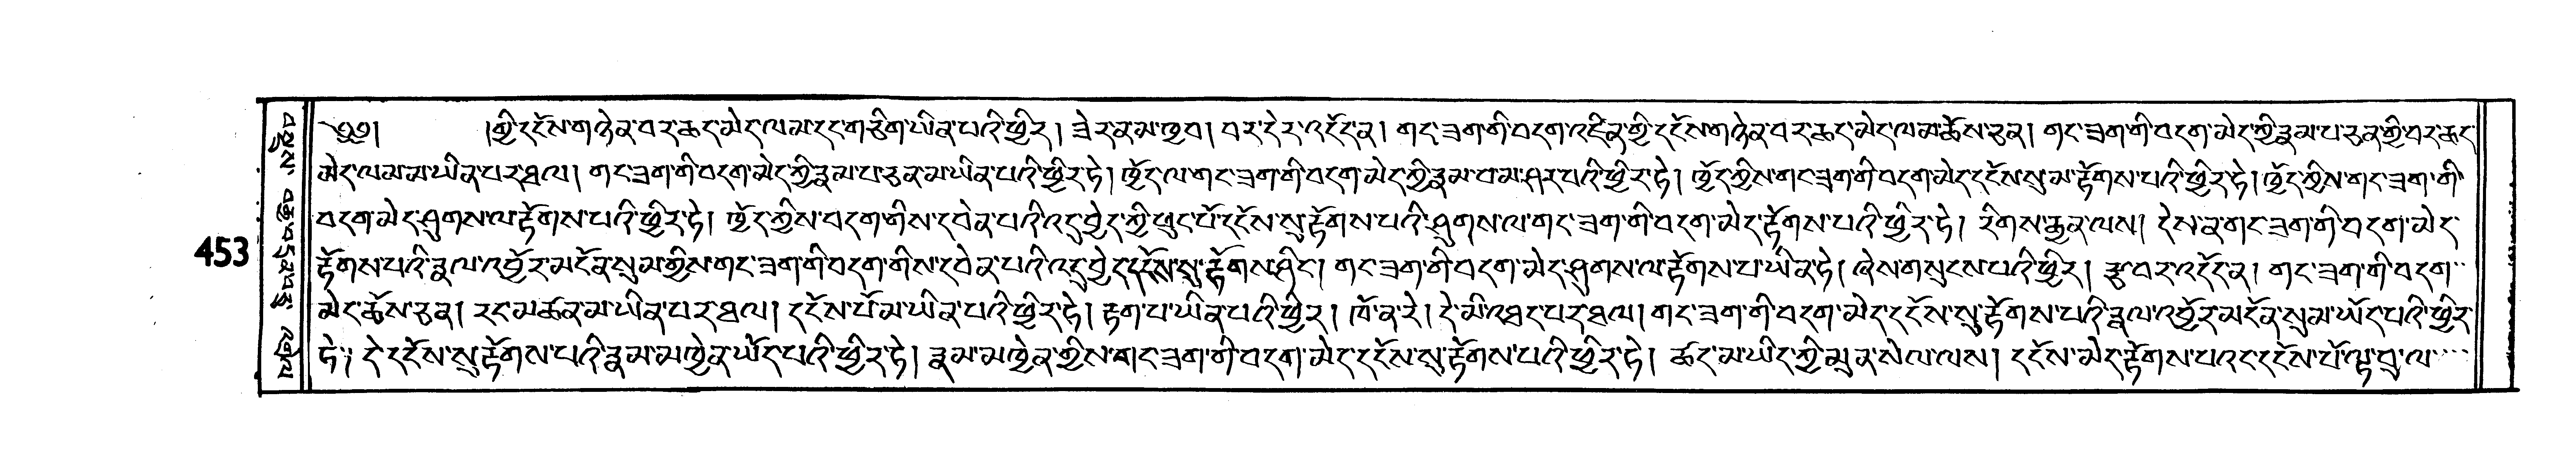༄༅། །གྱི་དངོས་གཉེན་བར་ཆད་མེད་ལམ་དང་གཅིག་ཡིན་པའི་ཕྱིར། ཟེར་ན་མ་ཁྱབ། བར་དེར་འདོད་ན། གང་ཟག་གི་བདག་འཛིན་གྱི་དངོས་གཉེན་བར་ཆད་མེད་ལམ་ཆོས་ཅན། གང་ཟག་གི་བདག་མེད་ཀྱི་རྣམ་པ་ཅན་གྱི་བར་ཆད་
མེད་ལམ་མ་ཡིན་པར་ཐལ། གང་ཟག་གི་བདག་མེད་ཀྱི་རྣམ་པ་ཅན་མ་ཡིན་པའི་ཕྱིར་ཏེ། ཁྱོད་ལ་གང་ཟག་གི་བདག་མེད་ཀྱི་རྣམ་པ་མ་ཤར་བའི་ཕྱིར་ཏེ། ཁྱོད་ཀྱིས་གང་ཟག་གི་བདག་མེད་དངོས་སུམ་རྟོགས་པའི་ཕྱིར་ཏེ། ཁྱོད་ཀྱིས་གང་ཟག་གི་
བདག་མེད་ཤུགས་ལ་རྟོགས་པའི་ཕྱིར་ཏེ། ཁྱོད་ཀྱིས་བདག་གིས་དབེན་པའི་འདུ་བྱེད་ཀྱི་ཕུང་པོ་དངོས་སུ་རྟོགས་པའི་ཤུགས་ལ་གང་ཟག་གི་བདག་མེད་རྟོགས་པའི་ཕྱིར་ཏེ། རིགས་རྒྱན་ལས། དེས་ན་གང་ཟག་གི་བདག་མེད་
རྟོགས་པའི་རྣལ་འབྱོར་མངོན་སུམ་གྱིས་གང་ཟག་གི་བདག་གིས་དབེན་པའི་འདུ་བྱེད་དངོས་སུ་རྟོགས་ཤིང་། གང་ཟག་གི་བདག་མེད་ཤུགས་ལ་རྟོགས་པ་ཡིན་ཏེ། ཞེས་གསུངས་པའི་ཕྱིར། རྩ་བར་འདོད་ན། གང་ཟག་གི་བདག་
མེད་ཆོས་ཅན། རང་མཚན་མ་ཡིན་པར་ཐལ། དངོས་པོ་མ་ཡིན་པའི་ཕྱིར་ཏེ། རྟག་པ་ཡིན་པའི་ཕྱིར། ཁོ་ན་རེ། དེ་མི་འཐད་པར་ཐལ། གང་ཟག་གི་བདག་མེད་དངོས་སུ་རྟོགས་པའི་རྣལ་འབྱོར་མངོན་སུམ་ཡོད་པའི་ཕྱིར་
ཏེ༑ དེ་དངོས་སུ་རྟོགས་པའི་རྣམ་མཁྱེན་ཡོད་པའི་ཕྱིར་ཏེ། རྣམ་མཁྱེན་གྱིས་གང་ཟག་གི་བདག་མེད་དངོས་སུ་རྟོགས་པའི་ཕྱིར་ཏེ། ཚད་མ་ཡིད་ཀྱི་མུན་སེལ་ལས། དངོས་མེད་རྟོགས་པའང་དངོས་པོ་ལྟ་བུ་ལ་